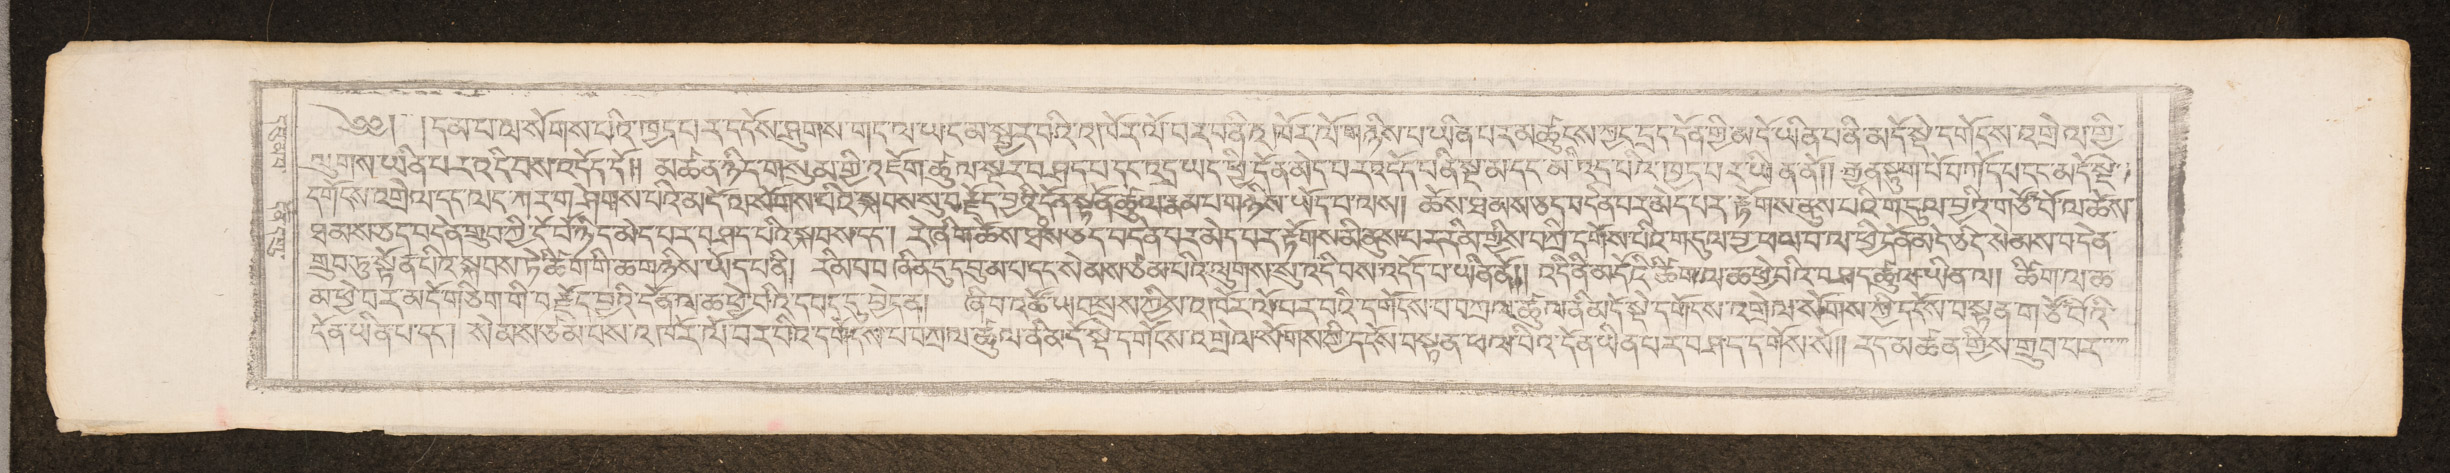༄༅། །དམ་པ་ལ་སོགས་པའི་ཁྱད་པར་དངོས་ཤུགས་གང་ལ་ཡང་མ་སྦྱར་བའི་འཁོར་ལོ་བར་བ་ནི་འཁོར་ལོ་གཉིས་པ་ཡིན་པར་མཚུངས་ཀྱང་དྲང་དོན་གྱི་མདོ་ཡིན་པ་ནི་མདོ་སྡེ་དགོངས་འགྲེལ་གྱི་
ལུགས་ཡིན་པར་འདི་བས་འདོད་དོ། །མཚན་ཉིད་གསུམ་གྱི་འཇོག་ཚུལ་སྔར་བཤད་པ་དང་འདྲ་ཡང་ཕྱི་དོན་མེད་པར་འདོད་པ་ནི་སྔ་མ་དང་མི་འདྲ་བའི་ཁྱད་པར་ཡིན་ནོ། །རྒྱན་སྟུག་པོ་བཀོད་པ་དང་མདོ་སྡེ་
གོངས་འགྲེལ་དང་ལང་ཀར་གཤེགས་པའི་མདོ་ལ་སོགས་པའི་སྐབས་སུ་བརྗོད་བྱའི་དོན་སྟོན་ཚུལ་རྣམ་པ་གཉིས་ཡོད་པ་ལས། ཆོས་ཐམས་ཅད་བདེན་པར་མེད་པར་རྟོགས་ནུས་པའི་གདུལ་བྱའི་གཙོ་བོ་ལ་ཆོས་
ཐམས་ཅད་བདེན་གྲུབ་ཀྱི་ངོ་བོ་ཉིད་མེད་པར་བཤད་པའི་སྐབས་དང་། རེ་ཞིག་ཆོས་ཐསཾ་ཅད་བདེན་པར་མེད་པར་རྟོགས་མི་ནུས་པར་རིམ་གྱིས་བཀྲི་དགོས་པའི་གདུལ་བྱ་ཕལ་བ་ལ་ཕྱི་དོན་མེད་ཅིང་སེམས་བདེ་ན་
གྲུབ་ཏུ་སྟོན་པའི་སྐབས་ཏེ་ཚིག་གི་ཆ་གཉིས་ཡོད་པ་ནི། རིམ་པ་བཞིན་དུ་དབུ་མ་པ་དང་སེམས་ཙམ་པའི་ལུགས་སུ་འདི་བས་འདོད་པ་ཡིན་ནོ། །འདི་ནི་མདོའི་ཚིག་ལ་ཆ་ཕྱེ་བའི་བཤད་ཚུལ་ཡིན་ལ། ཚིག་ལ་ཆ་
མ་ཕྱེ་བར་མདོ་གཅིག་གི་བརྗོད་བྱའི་དོན་ལ་ཆ་ཕྱེ་བའི་དབང་དུ་བྱེད་ན། ཞི་བ་འཚོ་ཡབ་སྲས་ཀྱིས་འཁོར་ལོ་བར་བའི་དགོངས་པ་བཀྲལ་ཚུལ་ནི་མདོ་སྡེ་དགོངས་འགྲེལ་སོགས་ཀྱི་དངོས་བསྟན་གཙོ་བོའི་
དོན་ཡིན་པ་དང་། སེམས་ཙམ་པས་འཁོར་ལོ་བར་བའི་དགོངས་པ་བཀྲལ་ཚུལ་ནི་མདོ་སྡེ་དགོངས་འགྲེལ་སོགས་ཀྱི་དངོས་བསྟན་ཕལ་བའི་དོན་ཡིན་པར་བཤད་དགོས་སོ། །རང་མཚན་གྱིས་གྲུབ་པར་